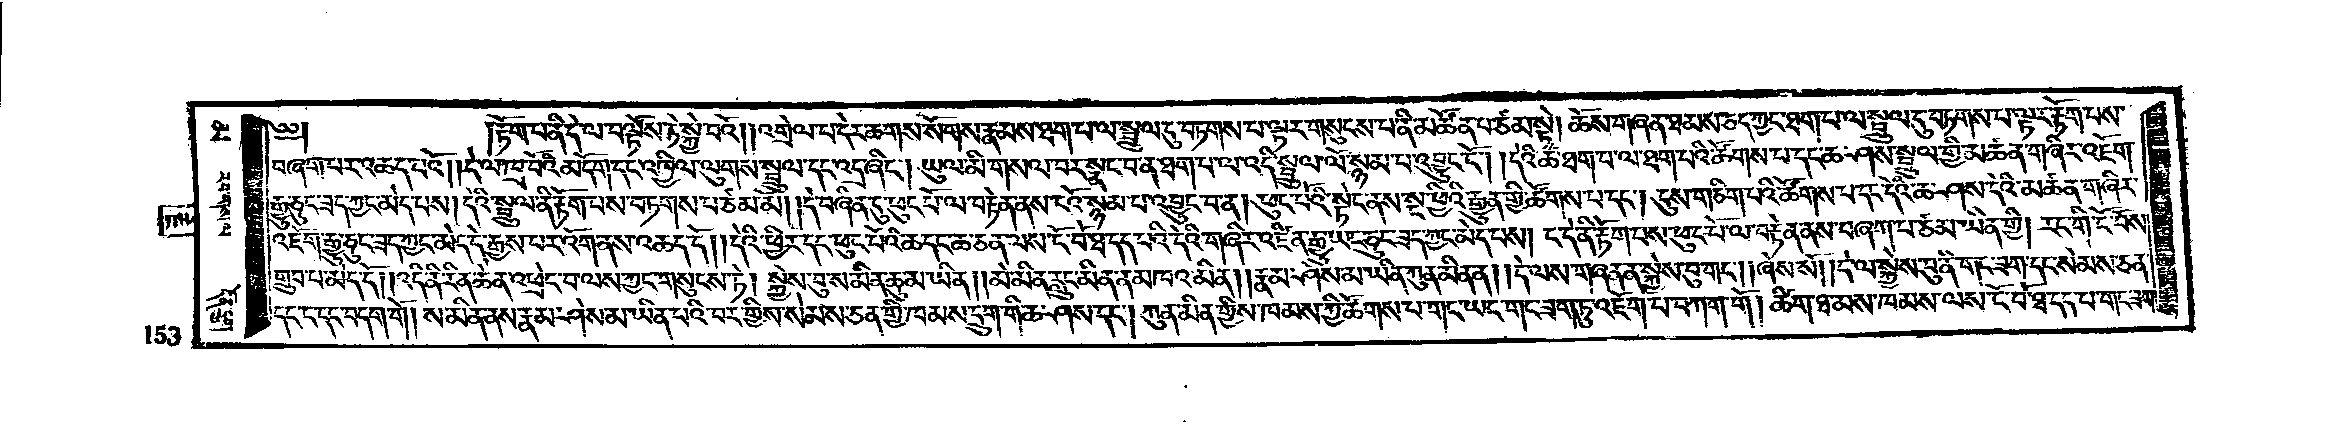༄༅། །རྟོག་པ་ནི་དེ་ལ་བལྟོས་ཏེ་སྐྱེ་བའོ། །འགྲེལ་པ་དེར་ཆགས་སོགས་རྣམས་ཐག་པ་ལ་སྦྲུལ་དུ་བཏགས་པ་ལྟར་གསུངས་པ་ནི་མཚོན་པ་ཙམ་སྟེ། ཆོས་གཞན་ཐམས་ཅད་ཀྱང་ཐག་པ་ལ་སྦྲུལ་དུ་བཏགས་པ་ལྟར་རྟོག་པས་
བཞག་པར་འཆད་པའོ། །དེ་ལ་ཁྲ་བོའི་མདོག་དང་འཁྱིལ་ལུགས་སྦྲུལ་དང་འདྲ་ཞིང་། ཡུལ་མི་གསལ་བར་སྣང་བ་ན་ཐག་པ་ལ་འདི་སྦྲུལ་ལོ་སྙམ་པ་འབྱུང་ངོ། །དེའི་ཚེ་ཐག་པ་ལ་ཐག་པའི་ཚོགས་པ་དང་ཆ་ཤས་སྦྲུལ་གྱི་མཚན་གཞིར་འཇོག་
རྒྱུ་ཅུང་ཟད་ཀྱང་མེད་པས། དེའི་སྦྲུལ་ནི་རྟོག་པས་བཏགས་པ་ཙམ་མོ། །དེ་བཞིན་དུ་ཕུང་པོ་ལ་བརྟེན་ནས་ངའོ་སྙམ་པ་འབྱུང་བ་ན། ཕུང་པོའི་སྟེང་ནས་སྔ་ཕྱིའི་རྒྱུན་གྱི་ཚོགས་པ་དང་། དུས་གཅིག་པའི་ཚོགས་པ་དང་དེའི་ཆ་ཤས་དེའི་མཚན་གཞིར་
འཇོག་རྒྱུ་ཅུང་ཟད་ཀྱང་མེད་དེ་རྒྱས་པར་འོག་ནས་འཆད་དེ། །དེའི་ཕྱིར་དང་ཕུང་པོའི་ཆ་དང་ཆ་ཅན་ལས་ངོ་བོ་ཐ་དད་པའི་དེའི་གཞིར་འཛིན་རྒྱུ་ཡང་ཅུང་ཟད་ཀྱང་མེད་པས། ང་དེ་ནི་རྟོག་པས་ཕུང་པོ་ལ་བརྟེན་ནས་བཞག་པ་ཙམ་ཡིན་གྱི། རང་གི་ངོ་བོས་
གྲུབ་པ་མེད་དོ། །འདི་ནི་རིན་ཆེན་འཕྲེང་བ་ལས་ཀྱང་གསུངས་ཏེ། སྐྱེས་བུ་ས་མིན་ཆུ་མ་ཡིན། །མེ་མིན་རླུང་མིན་ནམ་མཁའ་མིན། །རྣམ་ཤེས་མ་ཡིན་ཀུན་མིན་ན། །དེ་ལས་གཞན་ན་སྐྱེས་བུ་གང་། །ཞེས་སོ། །དེ་ལ་སྐྱེས་བུ་ནི་གང་ཟག་དང་སེམས་ཅན་
དང་ང་དང་བདག་གོ །ས་མིན་ནས་རྣམ་ཤེས་མ་ཡིན་པའི་བར་གྱིས་སེམས་ཅན་གྱི་ཁམས་དྲུག་གི་ཆ་ཤས་དང་། ཀུན་མིན་གྱིས་ཁམས་ཀྱི་ཚོགས་པ་གང་ཡང་གང་ཟག་ཏུ་འཇོག་པ་བཀག་གོ །ཚིག་ཐ་མས་ཁམས་ལས་ངོ་བོ་ཐ་དད་པ་གང་ཟག་